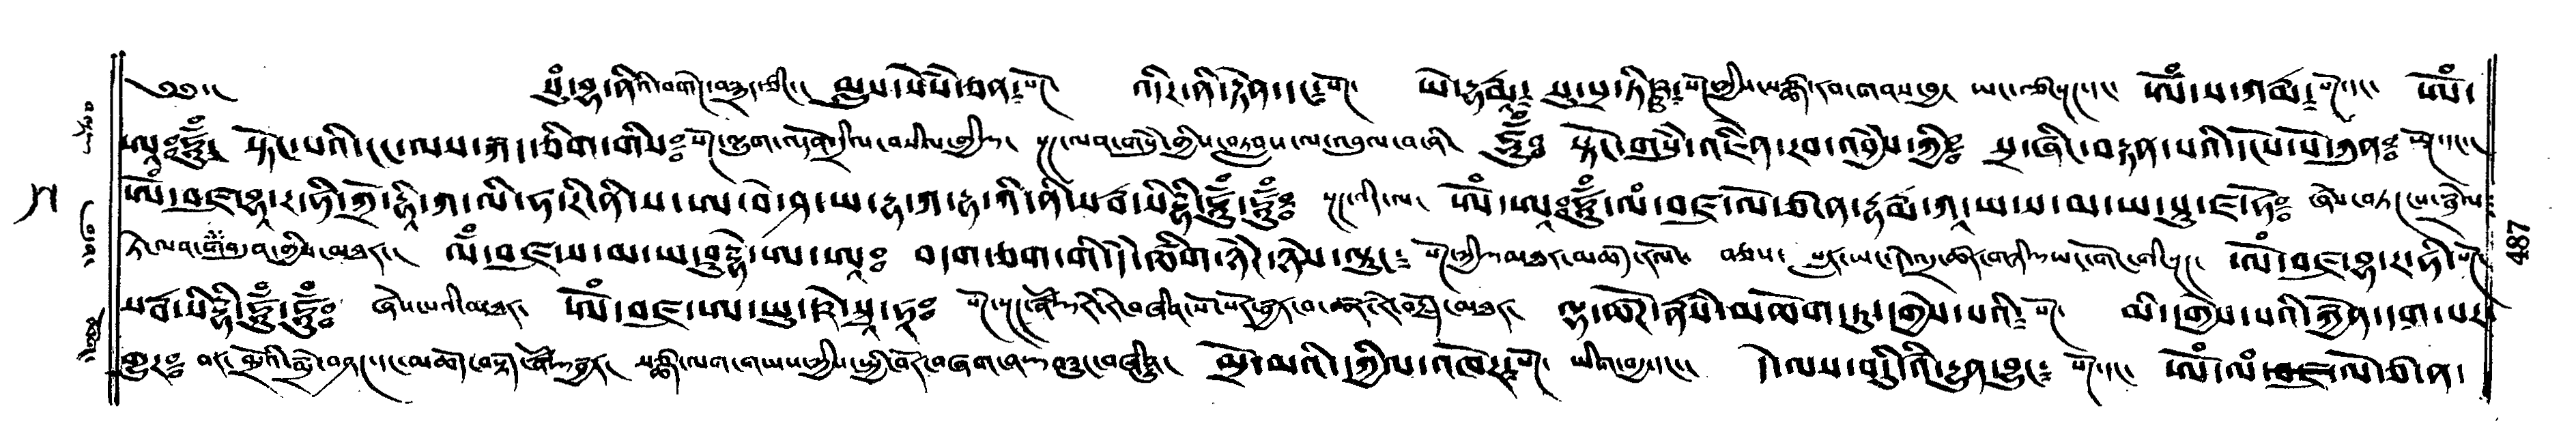སུམ་བྷ་ན ིས་བགེགས་བསྐྲད་ཅིང་། མ་ལུས་སེམས་ཅན༴ སོགས། འདིར་ནི་རྟེན་དང༴ སོགས། ཡེ་དྷརྨ༴ སུ་པྲ་ཏིཥྛ༴ སོགས་ཀྱིས་སཙྪ་རབ་གནས་བྱ། ཡང་རྩ་སྔགས་དང་། ཨོཾ་ས་ཀརྨ༴ སོགས་དང་། ཨོཾ་
ཨཱཿཧཱུྃ༔ སྟོང་པའི་ངང་ལས་སྐད་ཅིག་གིས༔ སོགས་ལྷུག་འདོན་དྲིལ་བསིལ་གྱིས། སྔགས་ལན་གསུམ་གྱིས་བརླབས་ལ་འབུལ་བ་ནི། ཧཱུྃ༔ སྟོང་གསུམ་འཇིག་རྟེན་རབ་འབྱམས་ཀྱི༔ སྲ་ཞིང་བརྟན་པའི་དངོས་པོ་ཀུན༔ སོགས་དང་། 
ཨོཾ་བཛྲ་བྷཱ་ར་ཧི་ཀྲོ་དྷཱི་ཀ་ལི་ཧ་རི་ནི་ས་ཨ་བེ་ཤ་ཡ་དྷ་ཀ་དྷ་ཀི་ནི་སརྦ་སིདྡྷི་ཧཱུྃ་ཧཱུྃ༔ སྔགས་འདི་ལ། ཨོཾ་ཨཱཿཧཱུྃ་ལཾ་བཛྲ་ལོ་ཙ་ན་དྷརྨ་ཀཱ་ཡ་ས་མ་ཡ་པཱུ་ཛ་ཧོ༔ ཞེས་བཏགས་པ་སྦྲེལ་
ཏེ་ལན་གསུམ་གྱིས་མཐར། ལྃ་བཛྲ་ས་མ་ཡ་ཤཱུདྡྷེ་ཨ་ཨཱཿ བདག་ཅག་གི་དམ་ཚིག་ཉམས་ཆག་ཉེས་ལྟུང༴ སོགས་ཀྱིས་མཐར་མཆོད་རོལ་བཅས་སླར་ཡང་དེ་འདྲ་ཚར་གཉིས་ཡང་གོང་གི་སྔགས། ཨོཾ་བཛྲ་བྷ་ར་ཧི༴ སོགས། 
སརྦ་སིདྡྷི་ཧཱུྃ་ཧཱུྃ༔ ཞེས་པའི་མཐར། ཨོཾ་བཛྲ་ཨ་ཡུ་རེ་སྭ་ཧཱ༔ སོགས་སྔགས་རྣམས་རེ་རེ་བཞིན་སོ་སོར་སྦྱར་བ་ཚར་རེ་བརྗོད་མཐར།ལྷ་ཚོགས་རྣམས་མཆོག་ཏུ་དགྱེས་པའི༴ སོགས། མི་དགྱེས་པའི་སྐྱོན་དག་པར་
གྱུར༔ བར་མཁའ་འགྲོའི་སྨྲེ་བཤགས་དང་མཆོད་བསྟོད་རྣམས་སྦྱར། སཙྪ་ལག་གཡས་ཀྱིས་སྤྱི་བོར་བཞག་ནས་འཛིན་བཞིན་ཏུ། མཁའ་འགྲོ་མའི་དཀྱིལ་འཁོར༴ སོགས་ཡིག་བརྒྱ་དང་། དེ་ལས་བདུད་རྩིའི་རྒྱུན་བྱུང༴ སོགས་དང་། ཨོཾ་ལཾ་ལོ་ཙ་ན་